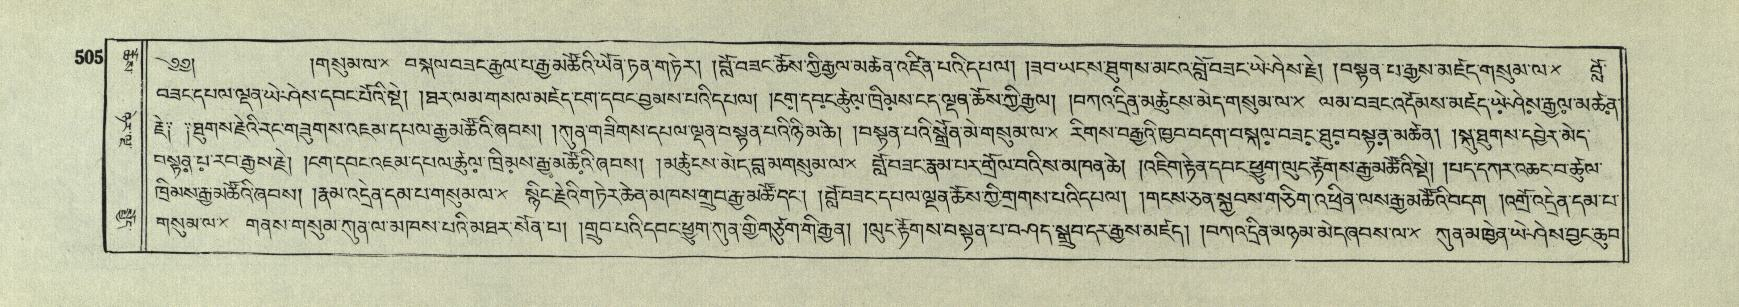༄༅། །གསུམ་ལ་྾་བསྐལ་བཟང་རྒྱལ་པ་རྒྱ་མཚོའི་ཡོན་ཏན་གཏེར། །བློ་བཟང་ཆོས་ཀྱི་རྒྱལ་མཚན་འཛིན་པའི་དཔལ། །ཟབ་ཡངས་ཐུགས་མངའ་བློ་བཟང་ཡེ་ཤེས་རྗེ། །བསྟན་པ་རྒྱས་མཛད་གསུམ་ལ་྾་བློ་
བཟང་དཔལ་ལྡན་ཡེ་ཤེས་དབང་པོའི་སྡེ། །ཐར་ལམ་གསལ་མཛད་ངག་དབང་བྱམས་པའི་དཔལ། །ངག྾་དབང྾་ཚུལ་ཁྲིམས྾་ངད་ལྡན་ཆོས་ཀྱི་རྒྱལ། །བཀའ་དྲིན་མཚུངས་མེད་གསུམ་ལ་྾་ལམ་བཟང་འདོམས་མཛད་ཡེ྾་ཤེས྾་རྒྱལ྾་མཚན྾་
རྗེ༑ ༑ཐུགས་རྗེའི་རང་གཟུགས་འཇམ་དཔལ་རྒྱ་མཚོའི་ཞབས། །ཀུན་གཟིགས་དཔལ་ལྡན་བསྟན་པའི་ཉི་མ་ཆེ། །བསྟན་པའི་སྒྲོན་མེ་གསུམ་ལ་྾་རིགས་བརྒྱའི་ཁྱབ་བདག་བསྐལ྾་བཟང྾་ཐུབ྾་བསྟན྾་མཚན། །སྐུ་ཐུགས་དབྱེར་མེད་
བསྟན྾་པ྾་རབ་རྒྱས་རྗེ། །ངག་དབང་འཇམ་དཔལ་ཚུལ྾་ཁྲིམས྾་རྒྱ྾་མཚོ྾འི་ཞབས། །མཚུངས་མེད་བླ་མ་གསུམ་ལ་྾་བློ་བཟང་རྣམ་པར་གྲོལ་བའི་ས་མཁན་ཆེ། །འཇིག་རྟེན་དབང་ཕྱུག་ལུང་རྲྟོགས་རྒྱ་མཚོའི་སྡེ། །པད་དཀར་འཆང་བ་ཚུལ་
ཁྲིམས་རྒྱ་མཚོའི་ཞབས། །རྣམ་འདྲེན་དམ་པ་གསུམ་ལ་྾་སྙིང་རྗེའི་གཏེར་ཆེན་མཁས་གྲུབ་རྒྱ་མཚོ་དང་། །བློ་བཟང་དཔལ་ལྡན་ཆོས་ཀྱི་གྲགས་པའི་དཔལ། །གངས་ཅན་སྐྱབས་གཅིག་འཕྲིན་ལས་རྒྱ་མཚོའི་བདག །འགྲོ་འདྲེན་དམ་པ་
གསུམ་ལ་྾་གནས་གསུམ་ཀུན་ལ་མཁས་པའི་མཐར་སོན་པ། །གྲུབ་པའི་དབང་ཕྱུག་ཀུན་གྱི་གཙུག་གི་རྒྱན། །ལུང་རྟོགས་བསྟན་པ་བཤད་སྒྲུབ་དར་རྒྱས་མཛད། །བཀའ་འདྲིན་མཉམ་མེད་ཞབས་ལ་྾་ཀུན་མཁྱེན་ཡེ་ཤེས་བྱང་ཆུབ་